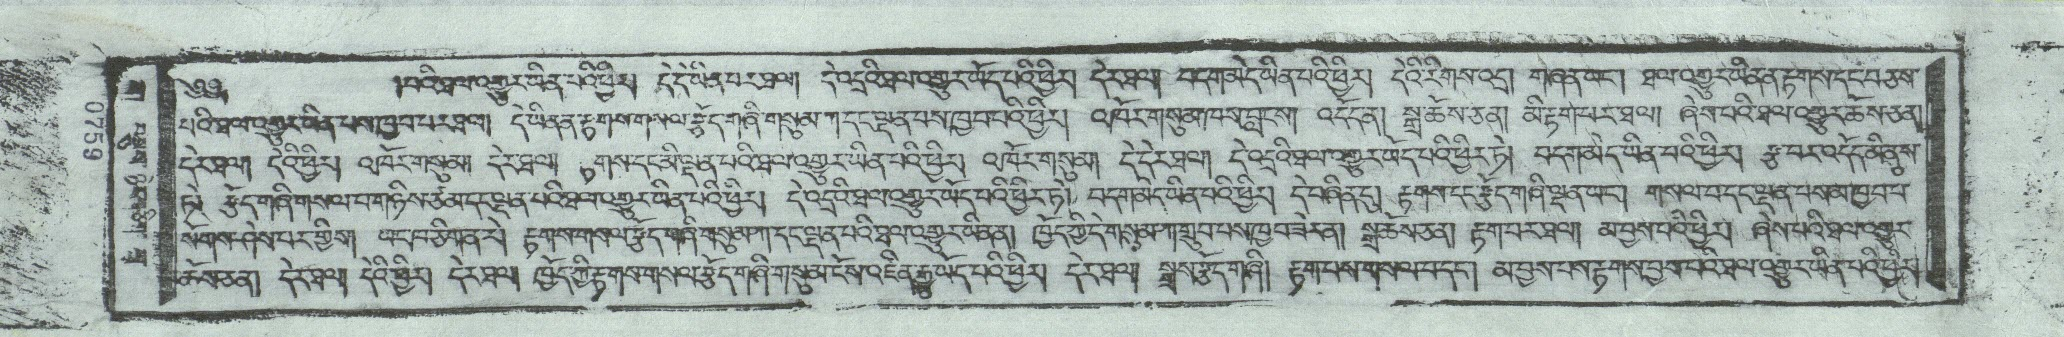༄༅། །པའི་ཐལ་འགྱུར་ཡིན་པའི་ཕྱིར། དེ་དེ་ཡིན་པར་ཐལ། དེ་འདྲའི་ཐལ་འགྱུར་ཡོད་པའི་ཕྱིར། དེར་ཐལ། བདག་མེད་ཡིན་པའི་ཕྱིར། དེའི་རིགས་འདྲ། གཞན་ཡང་། ཐལ་འགྱུར་ཡིན་ན་རྟགས་དང་བཅས་
པའི་ཐལ་འགྱུར་ཡིན་པས་ཁྱབ་པར་ཐལ། དེ་ཡིན་ན་རྟགས་གསལ་རྩོད་གཞི་གསུམ་ཀ་དང་ལྡན་པས་ཁྱབ་པའི་ཕྱིར། འཁོར་གསུམ་ཁས་བླངས། འདོད་ན། སྒྲ་ཆོས་ཅན། མི་རྟག་པར་ཐལ། ཞེས་པའི་ཐལ་འགྱུར་ཆོས་ཅན།
དེར་ཐལ། དེའི་ཕྱིར། འཁོར་གསུམ། དེར་ཐལ། རྟགས་དང་མི་ལྡན་པའི་ཐལ་འགྱུར་ཡིན་པའི་ཕྱིར། འཁོར་གསུམ། དེ་དེར་ཐལ། དེ་འདྲའི་ཐལ་འགྱུར་ཡོད་པའི་ཕྱིར་ཏེ། བདག་མེད་ཡིན་པའི་ཕྱིར། རྩ་བར་འདོད་མི་ནུས་
ཏེ༑ རྩོད་གཞི་གསལ་པ་གཉིས་ཙམ་དང་ལྡན་པའི་ཐལ་འགྱུར་ཡིན་པའི་ཕྱིར། དེ་འདྲའི་ཐལ་འགྱུར་ཡོད་པའི་ཕྱིར་ཏེ། བདག་མེད་ཡིན་པའི་ཕྱིར། དེ་བཞིན་དུ། རྟགས་དང་རྩོད་གཞི་ལྡན་ཡང་། གསལ་བ་དང་ལྡན་པས་མ་ཁྱབ་པ་
སོགས་ཤེས་པར་གྱིས། ཡང་ཁ་ཅིག་ན་རེ། རྟགས་གསལ་རྩོད་གཞི་གསུམ་ཀ་དང་ལྡན་པའི་ཐལ་འགྱུར་ཡིན་ན། ཁྱོད་ཀྱི་དེ་གསུམ་ཀ་གྲུབ་པས་ཁྱབ་ཟེར་ན། སྒྲ་ཆོས་ཅན། རྟག་པར་ཐལ། མ་བྱས་པའི་ཕྱིར། ཞེས་པའི་ཐལ་འགྱུར་
ཆོས་ཅན། དེར་ཐལ། དེའི་ཕྱིར། དེར་ཐལ། ཁྱོད་ཀྱི་རྟགས་གསལ་རྩོད་གཞི་གསུམ་ངོས་འཛིན་རྒྱུ་ཡོད་པའི་ཕྱིར། དེར་ཐལ། སྒྲས་རྩོད་གཞི། རྟག་པས་གསལ་བ་དང་། མ་བྱས་པས་རྟགས་བྱས་པའི་ཐལ་འགྱུར་ཡིན་པའི་ཕྱིར།